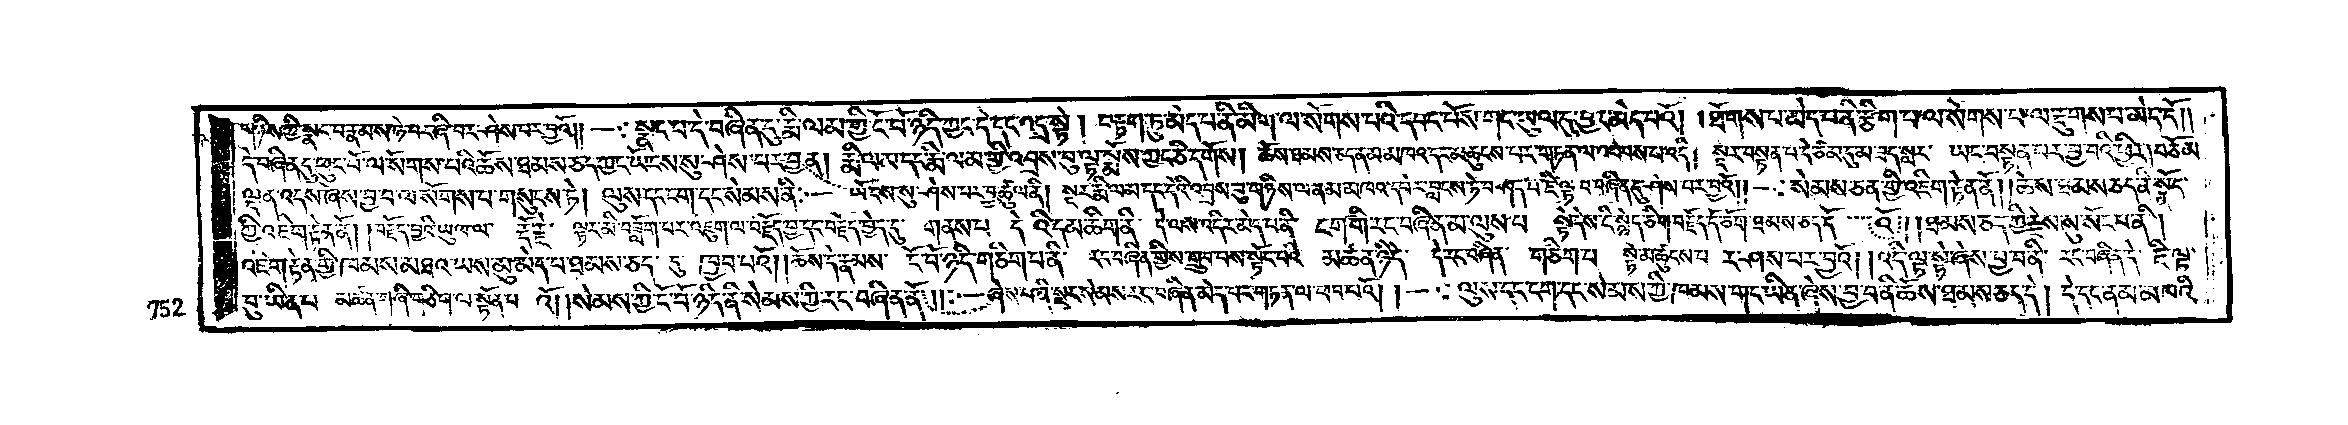གཉིས་ཀྱི་སྣང་བ་རྣམས་ཉེ་བར་ཞི་བར་ཤེས་པར་བྱའོ།། .H སྣང་བ་དེ་བཞིན་དུ་རྨི་ལམ་གྱི་ངོ་བོ་ཉིད་ཀྱང་དེ་དང་འདྲ་སྟེ། བརྟག་ཏུ་མེད་པ་ནི་མིག་ལ་སོགས་པའི་དབང་པོས་གང་ཡུལ་དུ་བྱར་མེད་པའོ། །ཐོགས་པ་མེད་པ་ནི་རྩིག་པ་ལ་སོགས་པ་ལ་རྡུགས་པ་མེད་དོ། །
དེ་བཞིན་དུ་ཕུང་པོ་ལ་སོགས་པའི་ཆོས་ཐམས་ཅད་ཀྱང་ཡོངས་སུ་ཤེས་པར་བྱན། རྨི་ལམ་དང་རྨི་ལམ་གྱི་འབྲས་བུ་ལྟ་སྨོས་ཀྱང་ཅི་དགོས། ཆོས་ཐམས་ཅད་ནམ་མཁའ་དང་མཚུངས་པར་གཏན་ལ་འབེབས་པ་འདི། སྔར་བསྟན་པ་དེ་ཙམ་དུ་མ་ཟད་སླར།  ཡང་བསྟན་པར་བྱ་བའི་ཕྱིར། བཅོམ་
ལྡན་འདས་ཞེས་བྱ་བ་ལ་སོགས་པ་གསུངས་ཏེ། ལུས་དང་ངག་དང་སེམས་ནི་H.་ཡོངས་སུ་ཤེས་པར་བྱ་ཚུལ་ནི། སྔར་རྨི་ལམ་དང་དེའི་འབྲས་བུ་གཉིས་ལ་ནམ་མཁའ་དཔེར་བླངས་ཏེ་བཤད་པ་ཇི་ལྟ་བ་བཞིན་དུ་ཤེས་པར་བྱའོ།། .H སེམས་ཅན་གྱི་འཇིག་རྟེན་ནོ། །ཆོས་ཐམས་ཅད་ནི་སྣོད་
ཀྱི་འཇིག་རྟེན་ནོ། ། བརྗོད་བྱའི་ཡུལ་ལ་རྡོ་རྗེ་ལྟར་མི་བཟློག་པར་འཇུག་ལ་བརྗོད་བྱ་དང་བརྗོད་བྱེད་དུ་གནས་པ་དེའི་དམ་ཚིག་ནི་དེ་ལས་འདིར་མེད་པ་ནི་ངག་གི་རང་བཞིན་མ་ལུས་པ་སྟེ་དེས་ཇི་སྙེད་ཅིག་བརྗོད་དོ་ཅོག་ཐམས་ཅད་དོ་འོ། །ཐམས་ཅད་ཀྱི་རྗེས་སུ་སོང་བ་ནི།
འཇིག་རྟེན་གྱི་ཁམས་མཐའ་ཡས་མུ་མེད་པ་ཐམས་ཅད་དུ་ཁྱབ་པའོ། ། ཆོས་དེ་རྣམས་ངོ་བོ་ཉིད་གཅིག་པ་ནི་་རང་བཞིན་གྱིས་གྲུབ་པས་སྟོང་པའི་མཚན་ཉིད་དེ་རང་བཞིན་གཅིག་པ་སྟེ་མཚུངས་པར་ཤེས་པར་བྱའོ། །འདི་ལྟ་སྟེ་ཞེས་བྱ་བ་ནི་རང་བཞིན་དེ་ཇི་ལྟ་
བུ་ཡིན་པ་མཚན་གཞི་གཅིག་ལ་སྟོན་པའོ། །སེམས་ཀྱི་ངོ་བོ་ཉིད་ནི་སེམས་ཀྱི་ངོ་བོ་ཉིད་ནི་སེམས་ཀྱི་རང་བཞིན་ནོ། ། H.་ཞེས་པ་ནི་སྔར་སེམས་རང་བཞིན་མེད་པར་གཏན་ལ་ཕབ་པའོ། ། .H ལུས་ཨདང་ངག་དང་སེམས་ཀྱི་ཁམས་གང་ཡིན་ཞེས་བྱ་བ་ནི་ཆོས་ཐམས་ཅད་དེ། དེ་དང་ནམ་མཁའི་